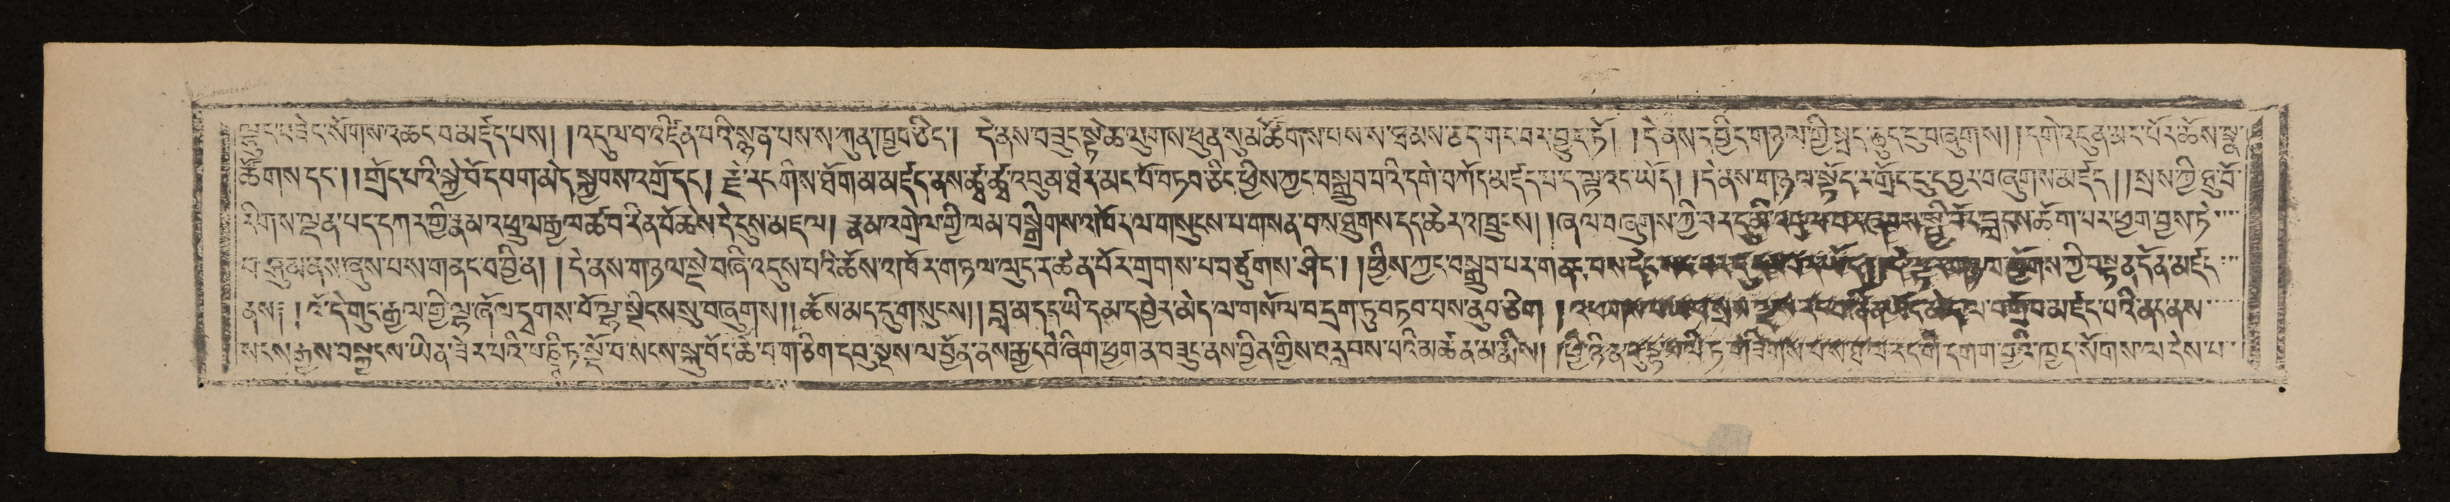ལྷུང་བཟེད་སོགས་འཆང་བ་མཛད་པས། འདུལ་བ་འཛིན་པའི་སྟན་པས་ས་ཀུན་ཁྱབ་ཅིང་། དེ་ནས་བཟུང་སྟེ་ཆ་ལུགས་ཕུན་སུམ་ཚོགས་པས་ས་ཐམས་ཅད་གང་བར་གྱུར་ཏོ། །དེ་ནས་དཔྱིད་གཉལ་གྱི་སྤང་ཆུང་དུ་བཞུགས། དགེ་འདུན་མང་པོར་ཆོས་སྣ་
ཚོགས་དང་། གྲོང་བའི་སྐྱེ་བོ་དཔག་མེད་སྐྱབས་འགྲོ་དང་། རྗེ་རང་གིས་ཐོག་མ་མཛད་ནས་ཚྭ་ཚྭ་འབུམ་ཐེར་མང་པོ་བཏབ་ཅིང་ཕྱིས་ཀྱང་བསྒྲུབ་པའི་དགེ་བཀོད་མཛད་པ་ད་ལྟའང་ཡོད། དེ་ནས་གཉལ་སྟོད་ར་གྲོང་དུ་དབྱར་བཞུགས་མཛད། སྲས་ཀྱི་ཐུ་བོ་
རིགས་ལྡན་པད་དཀར་གྱི་རྣམ་འཕྲུལ་རྒྱལ་ཚབ་རིན་པོ་ཆེས་དེ་དུས་མཇལ། རྣམ་འགྲེལ་གྱི་ལམ་བསྒྲིགས་འཁོར་ལ་གསུངས་པ་གསན་པས་ཐུགས་དད་ཆེར་འཁྲུངས། ཞལ་བཞུགས་ཀྱི་བར་དུ་མི་འབྲལ་བར་ཞབས་སྤྱི་བོར་བླངས་ཆོག་བར་ཕྱག་བྱས་ཏེ་
བཤུམ་ནས་ཞུས་པས་གནང་བ་བྱིན། དེ་ནས་གཉལ་སྡེ་བཞི་འདུས་པའི་ཆོས་འཁོར་གཉལ་ལུང་ར་ཆེན་པོར་གྲགས་པ་བཙུགས་ཤིང་། ཕྱིས་ཀྱང་བསྒྲུབ་པར་གནང་བས་དེང་སང་བར་དུ་དར་བར་ཡོད། དེ་ལྟར་གཉལ་ཕྱོགས་ཀྱི་བསྟན་དོན་མཛད་
ནས༑ འོ་དེ་གུང་རྒྱལ་གྱི་ལྷ་ཞོལ་དྭགས་པོ་ལྷ་སྡིངས་སུ་བཞུགས། ཆོས་མང་དུ་གསུངས། བླ་མ་དང་ཡི་དམ་དབྱེར་མེད་ལ་གསོལ་བ་དྲག་ཏུ་བཏབ་བས་ནུབ་ཅིག །འཕགས་པ་ཡབ་སྲས་ལྔས་རང་བཞིན་ཡོད་མེད་ལ་བགྲོ་བ་མཛད་པའི་ནང་ནས་
སངས་རྒྱས་བསྐྱངས་ཡིན་ཟེར་བའི་པཎྜི་ཏ་སྔོ་བསངས་སྐུ་བོང་ཆེ་བ་གཅིག་དབུ་སྔས་ལ་བྱོན་ནས་རྒྱ་དཔེ་ཞིག་ཕྱག་ན་བཟུང་ནས་བྱིན་གྱིས་བརླབས་པའི་མཚན་མ་རྨིས། ཕྱི་ཉིན་བུདྷ་བ་ལི་ཏ་གཟིགས་པས་ཐལ་རང་གི་དགག་བྱའི་ཁྱད་སོགས་ལ་ངེས་པ་